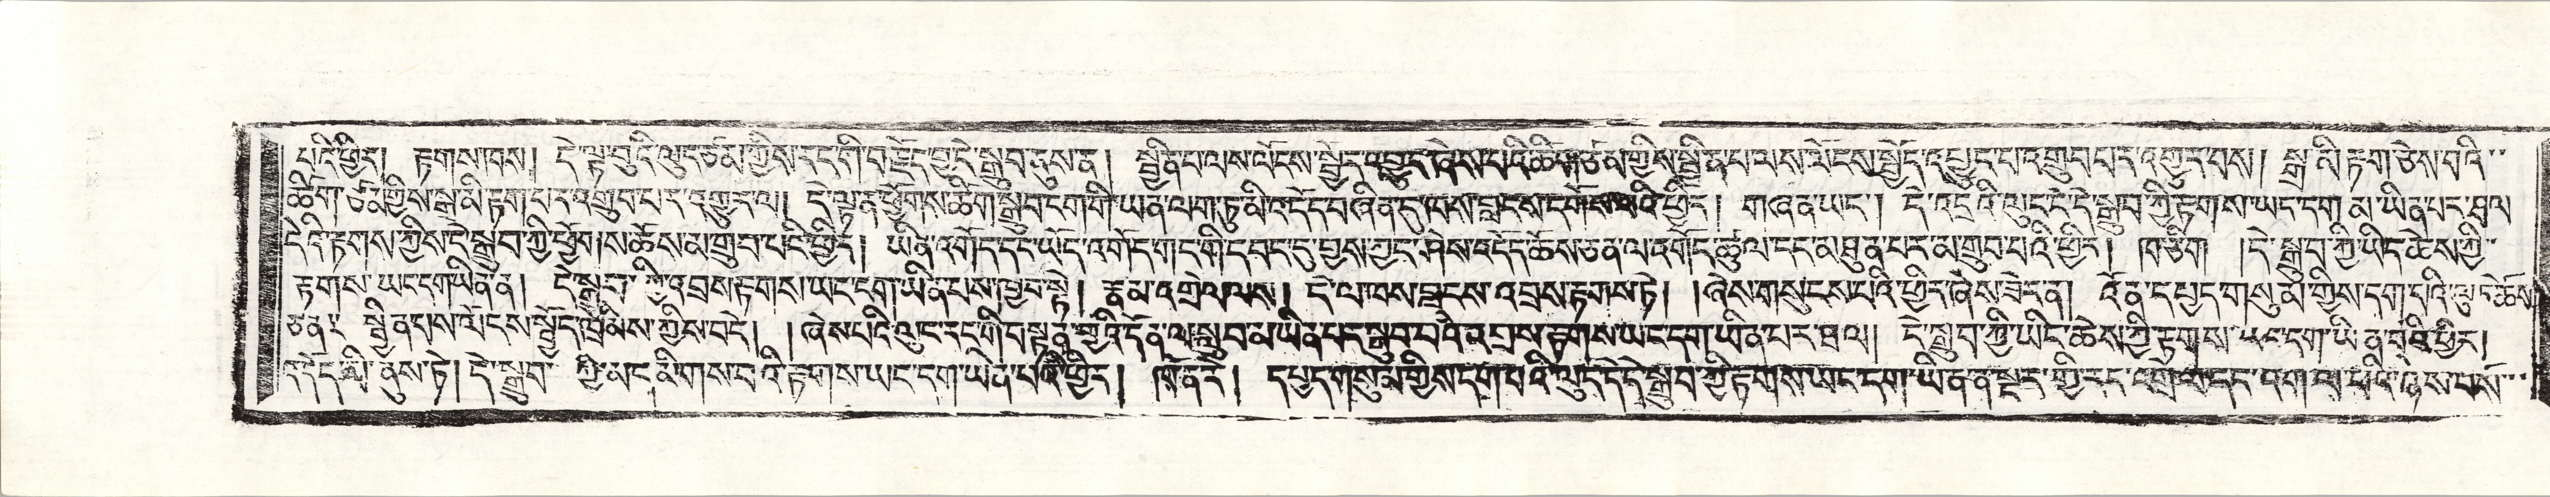པའི་ཕྱིར། རྟགས་ཁས། དེ་ལྟ་བུའི་ལུང་ཙམ་གྱིས་རང་གི་བརྗོད་བྱ་དེ་སྒྲུབ་ནུས་ན། སྦྱིན་པ་ལས་ལོངས་སྤྱོད་འབྱུང་ཞེས་པའི་ཚིག་ཙམ་གྱིས་སྦྱིན་པ་ལས་ལོངས་སྤྱོད་འབྱུང་བ་འགྲུབ་པར་འགྱུར་བས། སྒྲ་མི་རྟག་ཅེས་པའི་
ཚིག་ཙམ་གྱིས་སྒྲ་མི་རྟག་པར་འགྲུབ་པར་འགྱུར་ལ། དེ་ལྟ་ན་ཕྱོགས་ཚིག་སྒྲུབ་ངག་གི་ཡན་ལག་ཏུ་མི་འདོད་བཞིན་དུ་ཁས་བླངས་དགོས་པའི་ཕྱིར། གཞན་ཡང་། དེ་འདྲའི་ལུང་དེ་དེ་སྒྲུབ་ཀྱི་རྟགས་ཡང་དག་མ་ཡིན་པར་ཐལ།
དེའི་རྟགས་ཀྱིས་དེ་སྒྲུབ་ཀྱི་ཕྱོགས་ཆོས་མ་གྲུབ་པའི་ཕྱིར། ཡིན་འགོད་དང་ཡོད་འགོད་གང་གི་དབང་དུ་བྱས་ཀྱང་ཤེས་འདོད་ཆོས་ཅན་ལ་འགོད་ཚུལ་དང་མཐུན་པར་མ་གྲུབ་པའི་ཕྱིར། ཁ་ཅིག །དེ་སྒྲུབ་ཀྱི་ཡིད་ཆེས་ཀྱི་
རྟགས་ཡང་དག་ཡིན་ན། དེ་སྒྲུབ་ཀྱི་འབྲས་རྟགས་ཡང་དག་ཡིན་པས་ཁྱབ་སྟེ། རྣམ་འགྲེལ་ལས། དེ་ལ་ཁས་བླངས་འབྲས་རྟགས་ཏེ། །ཞེས་གསུངས་པའི་ཕྱིར་ཞེས་ཟེར་ན། འོ་ན་དཔྱད་གསུམ་གྱིས་དག་པའི་ལུང་ཆོས་
ཅན། སྦྱིན་པས་ལོངས་སྤྱོད་ཁྲིམས་ཀྱིས་བདེ། །ཞེས་པའི་ལུང་རང་གི་བསྟན་བྱའི་དོན་ལ་སླུ་བ་མ་ཡིན་པར་སྒྲུབ་པའི་འབྲས་རྟགས་ཡང་དག་ཡིན་པར་ཐལ། དེ་སྒྲུབ་ཀྱི་ཡིད་ཆེས་ཀྱི་རྟགས་ཡང་དག་ཡིན་པའི་ཕྱིར།
འདོད་མི་ནུས་ཏེ། དེ་སྒྲུབ་ཀྱི་མ་དམིགས་བའི་རྟགས་ཡང་དག་ཡིན་པའི་ཕྱིར། ཁོ་ན་རེ། དཔྱད་གསུམ་གྱིས་དག་པའི་ལུང་དེ་དེ་སྒྲུབ་ཀྱི་རྟགས་ཡང་དག་ཡིན་ན་སྔར་གྱི་རང་འགྲེལ་དང་འགལ་པའི་ཉེས་པ་སོ་